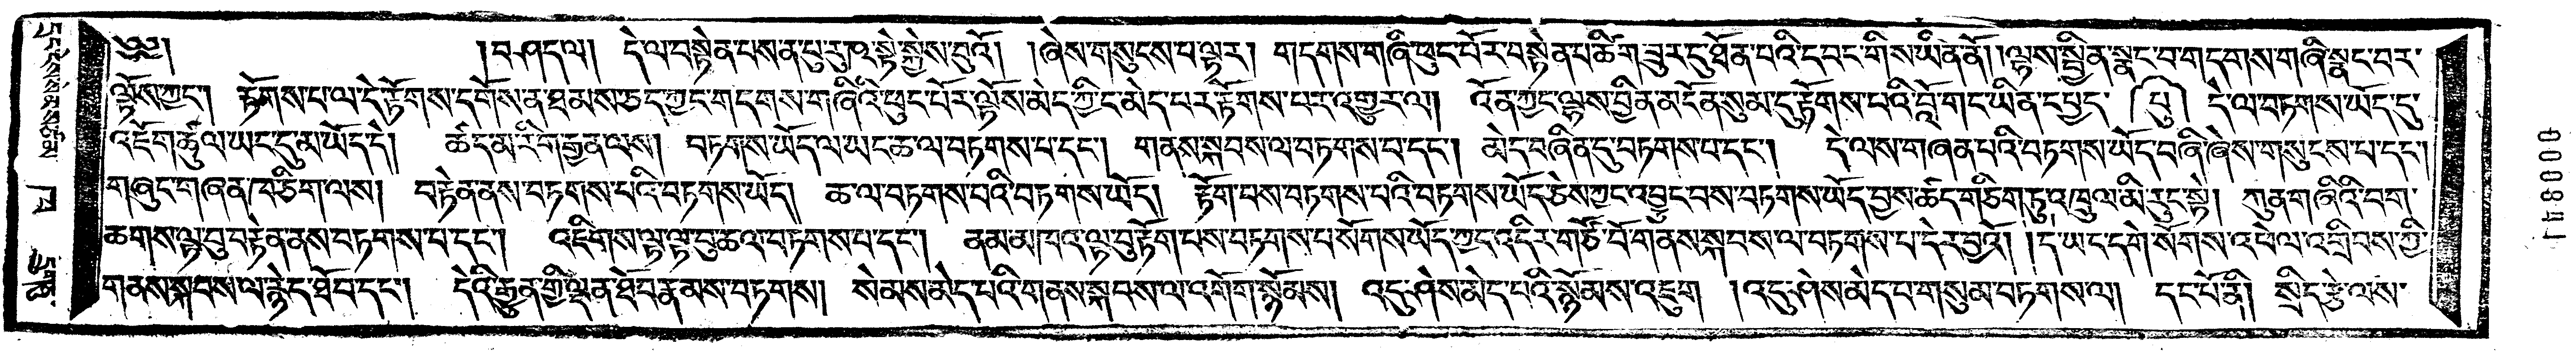༄༅། །བཤད་ལ། དེ་ལ་བསྟེན་པས་ན་པུ་རུ་ཥ་སྟེ་སྐྱེས་བུའོ། །ཞེས་གསུངས་པ་ལྟར། གདགས་གཞི་ཕུང་པོར་བསྟེན་པ་ཚིག་ཟུར་དུ་ཐོན་པའི་དབང་གིས་ཡིན་ནོ། །ལྷས་སྦྱིན་སྣང་བ་གདགས་གཞི་སྣང་བར་
ལྟོས་ཀྱང་། རྟོགས་པ་ལ་དེ་རྟོགས་དགོས་ན་ཐམས་ཅད་ཀྱང་གདགས་གཞིའི་ཕུང་པོར་ལྟོས་མེད་ཀྱི་ང་མེད་པར་རྟོགས་པར་འགྱུར་ལ། འོན་ཀྱང་ལྷས་བྱིན་མངོན་སུམ་དུ་རྟོགས་པའི་བློ་གང་ཡིན་དཔྱད ༼པུ༽ དེ་ལ་བཏགས་ཡོད་དུ་
འཇོག་ཚུལ་ཡང་དུ་མ་ཡོད་དེ། ཚད་མ་རིག་རྒྱན་ལས། བཏགས་ཡོད་ལ་ཡང་ཆ་ལ་བཏགས་པ་དང་། གནས་སྐབས་ལ་བཏགས་པ་དང་། མེད་བཞིན་དུ་བཏགས་པ་དང་། དེ་ལས་གཞན་པའི་བཏགས་ཡོད་བཞི་ཞེས་གསུངས་པ་དང་།
གཞུང་གཞན་ཁ་ཅིག་ལས། བརྟེན་ནས་བཏགས་པའི་བཏགས་ཡོད། ཆ་ལ་བཏགས་པའི་བཏགས་ཡོད། རྟོག་པས་བཏགས་པའི་བཏགས་ཡོད་ཅེས་ཀྱང་འབྱུང་བས་བཏགས་ཡོད་བྱས་ཚད་གཅིག་ཏུ་འཁྲུལ་མི་རུང་སྟེ། ཀུན་གཞིའི་བག་
ཆགས་ལྟ་བུ་བརྟེན་ནས་བཏགས་པ་དང་། འཇིགས་ལྟ་ལྟ་བུ་ཆ་ལ་བཏགས་པ་དང་། ནམ་མཁའ་ལྟ་བུ་རྟོག་པས་བཏགས་པ་སོགས་ཡོད་ཀྱང་འདིར་གཙོ་བོ་གནས་སྐབས་ལ་བཏགས་པ་དེར་བྱའོ། །དེ་ཡང་དགེ་སོགས་འཕེལ་འགྲིབས་ཀྱི་
གནས་སྐབས་ལ་རྙེད་ཐོབ་དང་། དེའི་རྒྱུན་གྱི་ལྡན་ཐོབ་རྣམས་བཏགས། སེམས་མེད་པའི་གནས་སྐབས་ལ་འགོག་སྙོམས། འདུ་ཤེས་མེད་པའི་སྙོམས་འཇུག །འདུ་ཤེས་མེད་པ་གསུམ་བཏགས་ལ། དང་པོ་ནི། སྲིད་རྩེ་ལས་